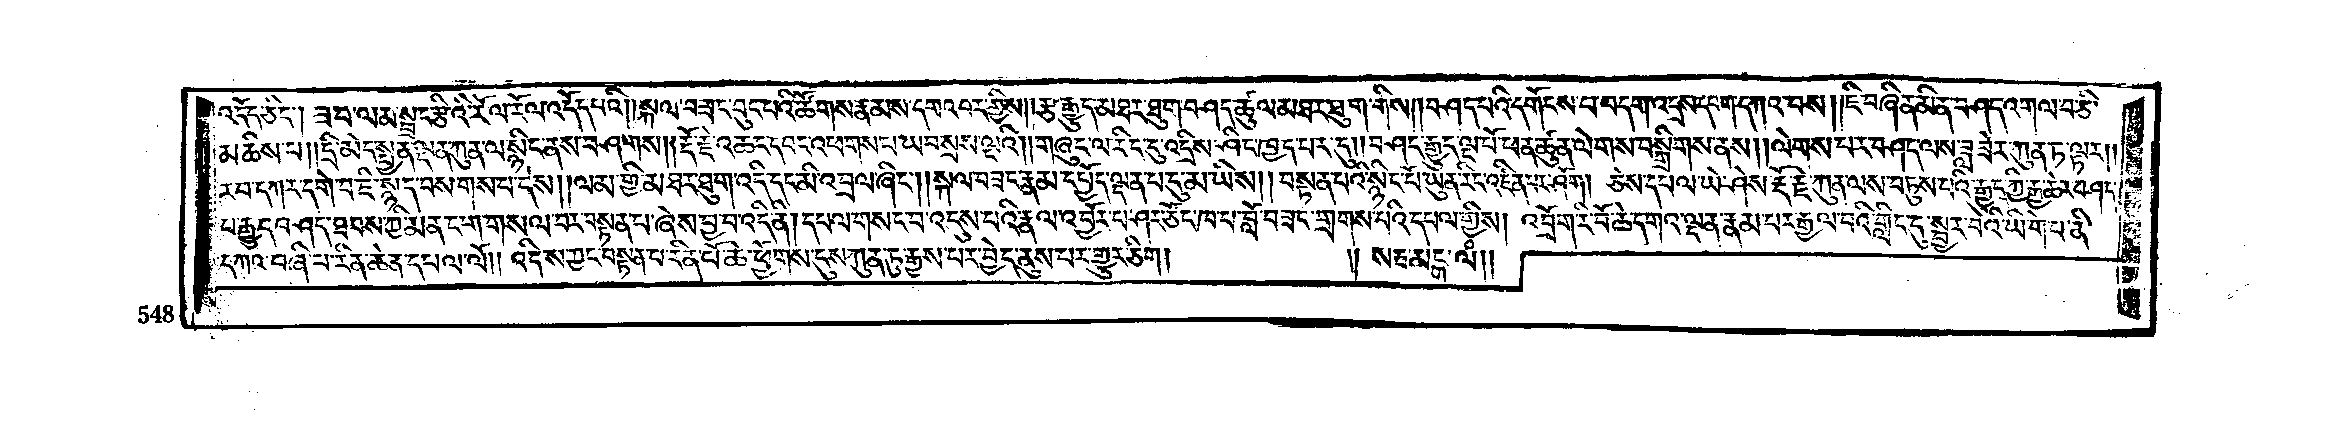འདོད་ཅིང་། ཟབ་ལམ་སྦྲང་རྩིའི་རོ་ལ་རོལ་འདོད་པའི། །སྐལ་བཟང་བུད་པའི་ཚོགས་རྣམས་དགའ་བར་གྱིས། །རྩ་རྒྱུད་མཐར་ཐུག་བཤད་ཚུལ་མཐར་ཐུག་གིས། །བཤད་པའི་དགོངས་པ་བདག་འདྲས་དཔག་དཀའ་བས། །ཇི་བཞིན་མིན་བཤད་འགལ་བ་ཅི་
མཆིས་པ། །དྲི་མེད་སྤྱན་ལྡན་ཀུན་ལ་སྙིང་ནས་བཤགས། །རྡོ་རྗེ་འཆང་དབང་འཕགས་པ་ཡབ་སྲས་ལྔའི། །གཞུང་ལ་རིང་དུ་འདྲིས་ཤིང་ཁྱད་པར་དུ། །བཤད་རྒྱུད་ལྔ་པོ་ཕན་ཚུན་ལེགས་བསྒྲིགས་ནས། །ལེགས་པར་བཤད་ལས་ཟླ་ཟེར་ཀུན་ཏ་ལྟར།།
རབ་དཀར་དགེ་བ་ཇི་སྙེད་བསགས་པ་དེས། །ལམ་གྱི་མཐར་ཐུག་འདི་དང་མི་འབྲལ་ཞིང་། །སྐལ་བཟང་རྣམ་དཔྱོད་ལྡན་པ་དུ་མ་ཡིས། །བསྟན་པའི་སྙིང་པོ་ཡུན་རིང་འཛིན་པར་ཤོག །ཅེས་དཔལ་ཡེ་ཤེས་རྡོ་རྗེ་ཀུན་ལས་བཏུས་པའི་རྒྱུད་ཀྱི་རྒྱ་ཆེར་བཤད་
པ་རྒྱུད་བཤད་ཐབས་ཀྱི་མན་ངག་གསལ་བར་བསྟན་པ་ཞེས་བྱ་བ་འདི་ནི། དཔལ་གསང་བ་འདུས་པའི་རྣལ་འབྱོར་པ་ཤར་ཙོང་ཁ་པ་བློ་བཟང་གྲགས་པའི་དཔལ་གྱིས། འབྲོག་རི་བོ་ཆེ་དགའ་ལྡན་རྣམ་པར་རྒྱལ་བའི་གླིང་དུ་སྦྱར་བའི་ཡི་གེ་པ་ནི་
དཀའ་བཞི་པ་རིན་ཆེན་དཔལ་ལོ། །འདིས་ཀྱང་བསྟན་པ་རིན་པོ་ཆེ་ཕྱོགས་དུས་ཀུན་ཏུ་རྒྱས་པར་བྱེད་ནུས་པར་གྱུར་ཅིག ། །།སརྦ་མངྒ་ལཾ། །